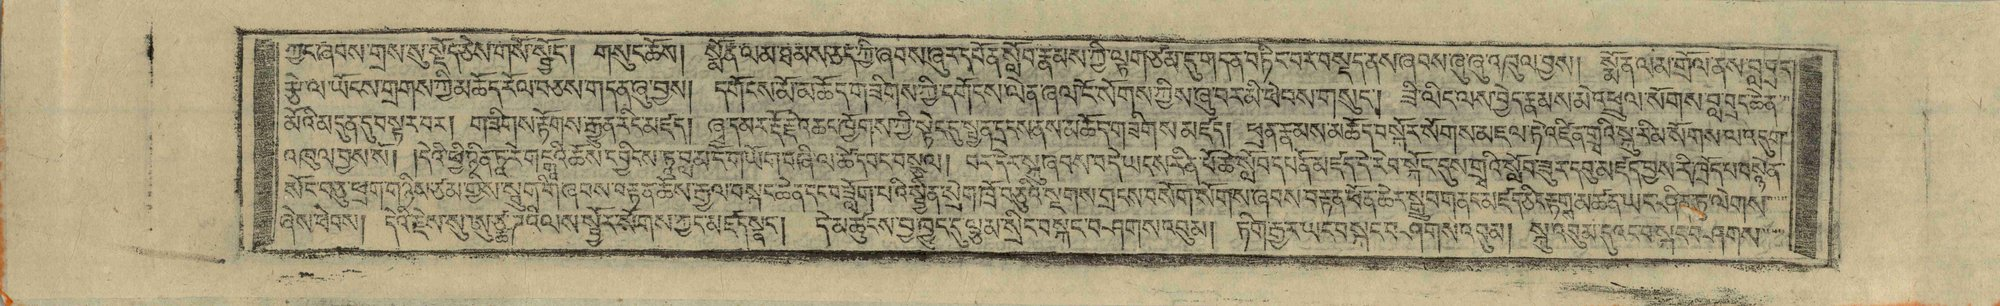ཀྱང་ཞབས་གྲས་སུ་སྡོད་ཅེས་གསོ་སྦྱོང་། གསུང་ཆོས། སྨོན་ལམ་ཐམས་ཅད་ཀྱི་ཞབས་ཞུར་དཔོན་སློབ་རྣམས་ཀྱི་ལྟག་ཙམ་དུ་གདན་བཏིང་བར་བསྡད་ནས་ཞབས་ཞུ་ཞུ་འཁུལ་བྱས། སྨོན་ལམ་གྲོལ་ནས་བླ་བྲང་
རྩེ་ལ་ཡོངས་གྲགས་ཀྱི་མཆོད་རོལ་བཅས་གདན་ཞུ་བྱས། དགོངས་མོ་མཆོད་གཟིགས་ཀྱི་དགོངས་ལེན་ཞལ་ངོ་སོགས་ཀྱིས་ཞུ་བར་མི་ཕེབས་གསུང་། ཟི་ལིང་ལས་བྱེད་རྣམས་མེ་འཕྲུལ་སོགས་བླ་བྲང་ཆེན་
མོའི་མདུན་དུ་བསྟར་བར། གཟིགས་རྟོགས་རྒྱན་རིང་མཛད། ཞྭ་དམར་རྡོ་རྗེ་འཆང་ཁྱོགས་ཀྱི་སྟེང་དུ་སྤྱན་དྲངས་ནས་མཆོད་གཟིགས་མཛད། ཕྲན་རྣམས་མཆོད་བསྐོར་སོགས་མཇལ་ཏེ་འཛིན་གྲྭའི་སྐུ་རིམ་སོགས་ལ་འདུག་
འཁུལ་བྱས་སོ། །དེའི་ཕྱི་ཉིན་ཏཱ་རེ་གངྒཱའི་ཆོས་དབྱིངས་ཏཱ་བླ་མ་ངོ་གཡོག་བཞི་ལ་ཚེ་དབང་བསྩལ། བར་དེར་སྐུ་ཞབས་བདེ་ཡངས་རིན་པོ་ཆེ་སློབ་དཔོན་མཛད་དེ་རེ་བ་སྐོང་དུས་གྲྭའི་སློབ་ཟུར་དབུ་མཛད་བྱས་རི་ཁྲོད་པ་བསྙེན་
སོང་བཅུ་ཕྲག་གཉིས་ཙམ་གྱིས་སྦུག་གི་ཞབས་བརྟན་ཆོས་རྒྱལ་བསྐང་ཆེན་དང་བཟློག་པའི་སྦྱིན་སྲེག་ཁྲོ་བཅུའི་སྔགས་གྲངས་བསོག་སོགས་ཞབས་བརྟན་ཕོན་ཆེར་སྒྲུབ་གནང་མཛད་ཅིང་རྟགས་མཚན་ཡང་ཤིན་ཏུ་ལེགས་
ཞེས་ཕེབས། དེའི་རྗེས་སུ་ཨུ་ཙྪ་ཌའི་ལས་སྦྱོར་སོགས་ཀྱང་མཛད་སྣང་། དེ་མཚུངས་བྱ་ཁྱུང་དུ་ལྕམ་སྲིང་བསྐང་བཤགས་འབུམ། ཏིག་རྒྱར་ཡང་བསྐང་བཤགས་འབུམ། སྐུ་འབུམ་དུའང་བསྐང་བཤགས་